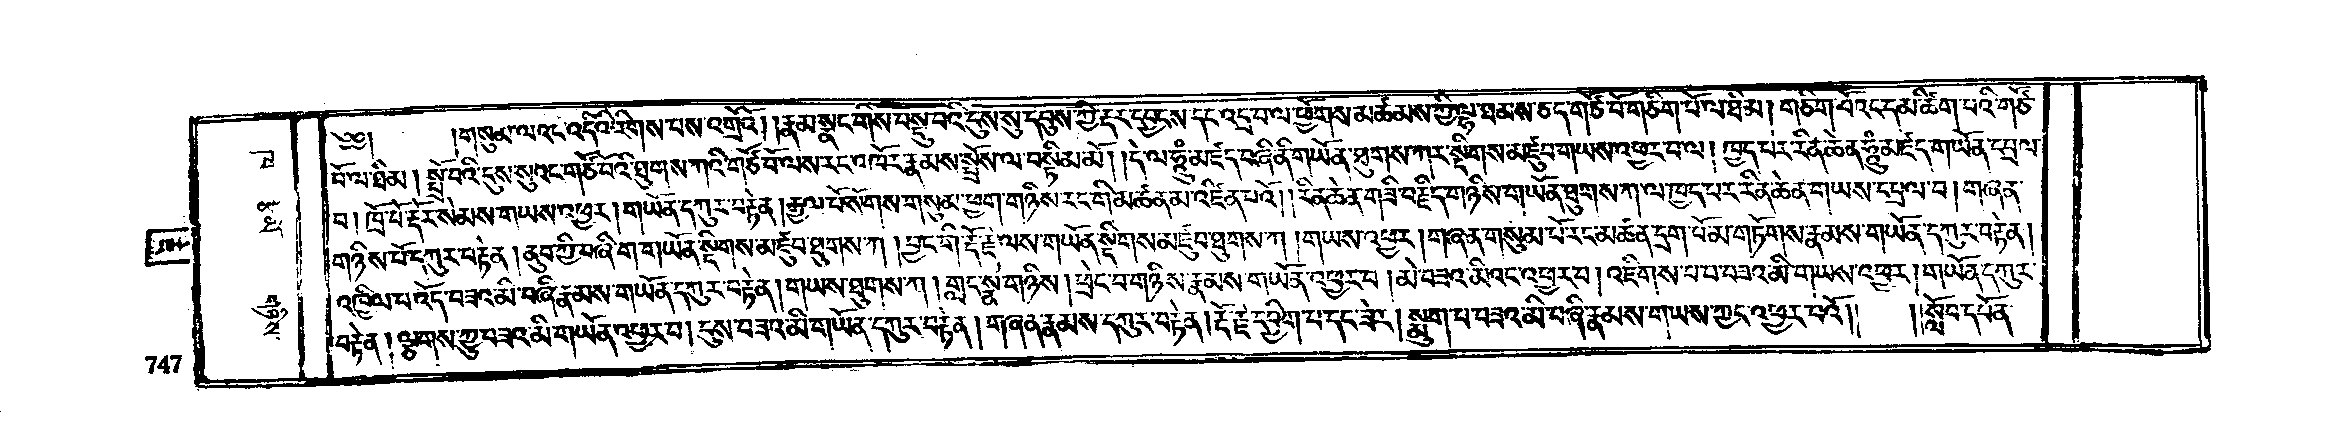༄༅། །གསུམ་ལའང་འདིའི་རིགས་པས་འགྲེའོ། །རྣམ་སྣང་གིས་བསྡུ་བའི་དུས་སུ་དབུས་ཀྱི་རྡོར་དབྱིངས་དང་འདྲ་བ་ལ་ཕྱོགས་མཚམས་ཀྱི་ལྷ་ཐམས་ཅད་གཙོ་བོ་གཅིག་པོ་ལ་ཐིམ། གཅིག་པོའང་དམ་ཚིག་པའི་གཙོ་
བོ་ལ་ཐིམ། སྤྲོ་བའི་དུས་སུའང་གཙོ་བོའི་ཐུགས་ཀའི་གཙོ་བོ་ལས་རང་འཁོར་རྣམས་སྤྲོས་ལ་བསྟིམ་མོ། །དེ་ལ་ཧཱུཾ་མཛད་བཞིན་ནི་གཡོན་ཐུགས་ཀར་སྡིགས་མཛུབ་གཡས་འཕྱར་བ་ལ། ཁྱད་པར་རིན་ཆེན་ཧཱུཾ་མཛད་གཡོན་དཔྲལ་
བ། ཁྲོ་བོ་རྡོར་སེམས་གཡས་འཕྱར། གཡོན་དཀུར་བརྟེན། རྒྱལ་པོ་སོགས་གསུམ་ཕྱག་གཉིས་རང་གི་མཚན་མ་འཛིན་པའོ། །རིན་ཆེན་གཟི་བརྗིད་གཉིས་གཡོན་ཐུགས་ཀ་ལ་ཁྱད་པར་རིན་ཆེན་གཡས་དཔྲལ་བ། གཞན་
གཉིས་པོ་དཀུར་བརྟེན། ནུབ་ཀྱི་བཞི་ག་གཡོན་སྡིགས་མཛུབ་ཐུགས་ཀ །བྱང་གི་རྡོ་རྗེ་ལས་གཡོན་སྡིགས་མཛུབ་ཐུགས་ཀ །གཡས་འཕྱར། གཞན་གསུམ་པོ་རང་མཚན་དྲག་པོ་མ་གཏོགས་རྣམས་གཡོན་དཀུར་བརྟེན།
འཁྱིལ་པ་འོད་བཟའ་མི་བཞི་རྣམས་གཡོན་དཀུར་བརྟེན། གཡས་ཐུགས་ཀ །གླང་སྣ་གཉིས། ཕྲེང་བ་གཉིས་རྣམས་གཡོན་འཕྱར་བ། མེ་བཟའ་མིའང་འཕྱར་བ། འཇིགས་པ་བ་བཟའ་མི་གཡས་འཕྱར། གཡོན་དཀུར་
བརྟེན། ལྕགས་ཀྱུ་བཟའ་མི་གཡོན་འཕྱར་བ། དུས་བཟའ་མི་གཡོན་དཀུར་བརྟེན། གཞན་རྣམས་དཀུར་བརྟེན། རྡོ་རྗེ་དབྱིག་པ་དང་ཟེར། སྨུག་པ་བཟའ་མི་བཞི་རྣམས་གཡས་ཀྱང་འཕྱར་བའོ།། །།སློབ་དཔོན་